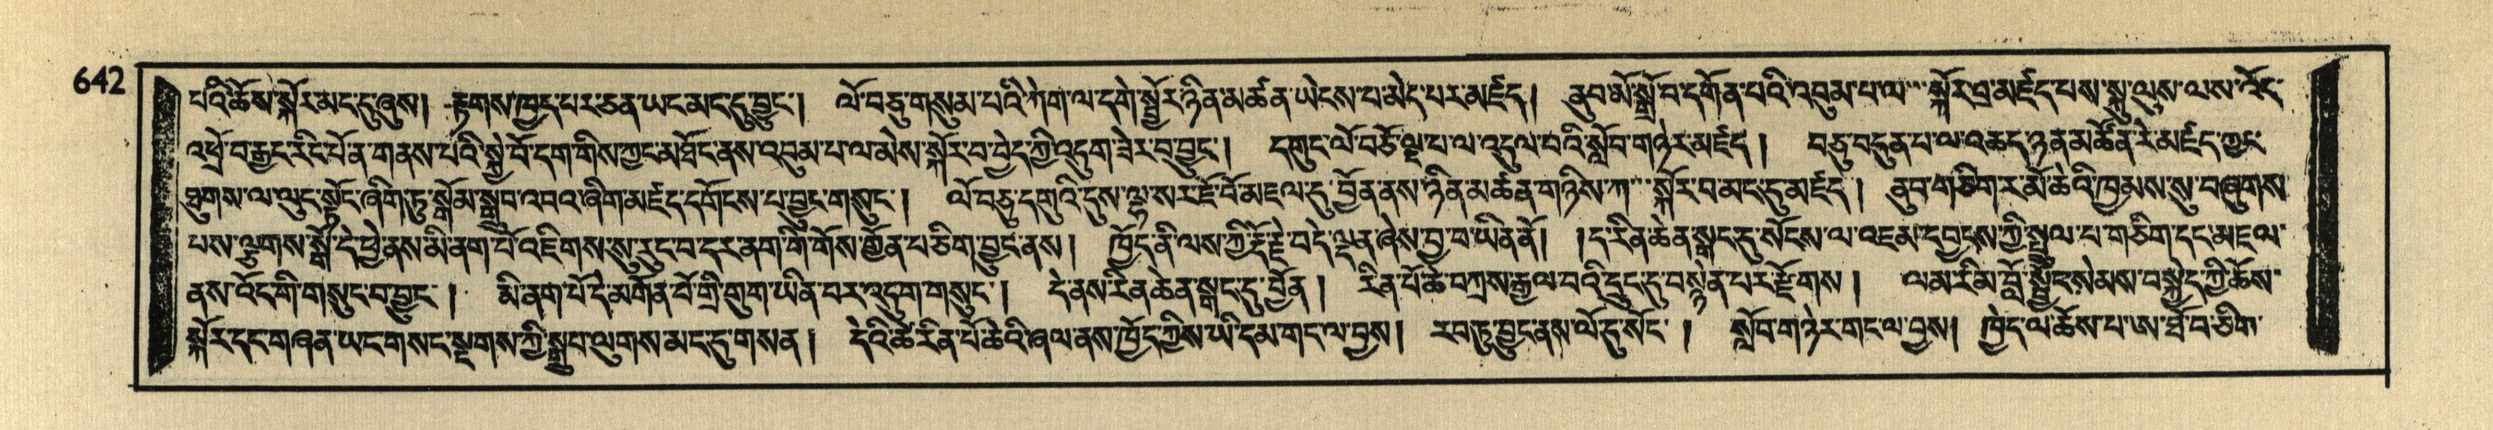པའི་ཆོས་སྐོར་མང་དུ་ཞུས། རྟགས་ཁྱད་པར་ཅན་ཡང་མང་དུ་བྱུང་། ལོ་བཅུ་གསུམ་པའི་ཀེག་ལ་དགེ་སྦྱོར་ཉིན་མཚན་ཡེངས་པ་མེད་པར་མཛད། ནུ་མོ་སྒྲོ་བ་དགོན་པའི་འབུམ་པ་ལ་སྐོར་བྲ་མཛད་པས་སྐུ་ལུས་ལས་འོང་
འཕྲོ་བ་རྒྱང་རིང་པོ་ན་གནས་པའི་སྐྱེ་བོ་དག་གིས་ཀྱང་མཐོང་ནས་འབུམ་པ་ལ་མེས་སྐོར་བ་བྱེད་ཀྱི་འདུག་ཟེར་བ་བྱུང་། དགུང་ལོ་བཅོ་ལྔ་པ་ལ་འདུལ་བའི་སློབ་གཉེར་མཛད། བཅུ་བདུན་པ་ལ་འཆད་ཉན་མཚོན་རེ་མཛད་ཀྱང་
ཐུགས་ལ་ལུང་སྟོང་ཞིག་ཏུ་སྒོམ་སྒྲུབ་འབའ་ཞིག་མཛད་དགོངས་པ་བྱུང་གསུང་། ལོ་བཅུ་དགུའི་དུས་ལྷ་སར་ཇོ་བོ་མཇལ་དུ་བྱོན་ནས་ཉིན་མཚན་གཉིས་ཀ་སྐོར་བ་མང་དུ་མཛད། ནུབ་གཅིག་ར་མོ་ཆེའི་ཁྱམས་སུ་བཞུགས་
པས་ལྕགས་སྒོ་དེ་ཕྱེ་ནས་མི་ནག་པོ་འཇིགས་སུ་རུང་བ་དར་ནག་གི་གོས་གྱོན་པ་ཅིག་བྱུང་ནས། ཁྱོད་ནི་ལས་ཀྱི་རྡོ་རྗེ་བདེ་ལྡན་ཞེས་བྱ་བ་ཡིན་ནོ། །ད་རིན་ཆེན་སྒང་དུ་སོངས་ལ་འཇམ་དབྱངས་ཀྱི་སྤྲུལ་པ་གཅིག་དང་མཇལ་
ནས་འོང་གི་གསུང་བ་བྱུང་། མི་ནག་པོ་དེ་མགོན་བོ་གྲི་གུག་ཡིན་པར་འདུག་གསུང་། དེ་ནས་རིན་ཆེན་སྒང་དུ་བྱོན། རིན་པོ་ཆེ་བཀྲས་རྒྱལ་བའི་དྲུང་དུ་བསྙེན་པར་རྫོགས། ལམ་རིམ་བློ་སྦྱོང་སེམས་བསྐྱེད་ཀྱི་ཆོས་
སྐོར་དང་གཞན་ཡང་གསང་སྔགས་ཀྱི་སྒྲུབ་ལུགས་མང་དུ་གསན། དེའི་ཚེ་རིན་པོ་ཆེའི་ཞལ་ནས་ཁྱོད་ཀྱིས་ཡི་དམ་གང་ལ་བྱས། རབ་ཏུ་བྱུང་ནས་ལོ་དུ་སོང་། སློབ་གཉེར་གང་ལ་བྱས། ཁྱེད་ལ་ཆོས་པ་ཨ་ཐོ་བ་ཅིག་